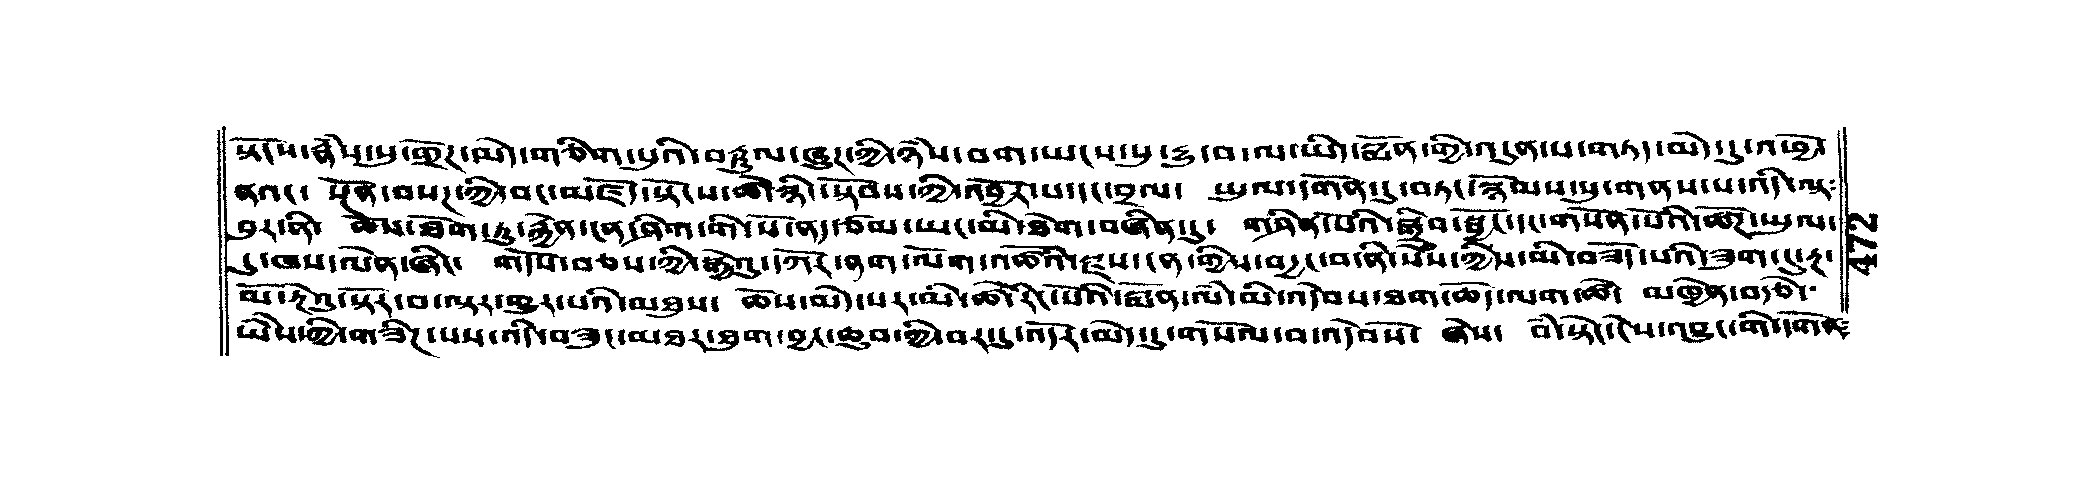སྟོང་རྣམས་སུ་གྲོགས་མེད་གཅིག་པུའི་བརྟུལ་ཞུགས་ཀྱི་ཉམས་བག་ཡངས་སུ་རྒྱུ་བ་ལ་ཡིད་སྨོན་གྱི་འདུན་པ་གཏད་མེད་དུ་འཕྱོ་
ནའང་། སྔོན་བསགས་ཀྱི་བང་མཛོད་སྟོངས་ཚེ་སྙིང་སྟོབས་ཀྱི་འབྱོར་པ་དང་བྲལ། ཡུལ་དགོན་དུ་བཏང་སྙོམས་སུ་གནས་པ་འདི་ལྟ་
བུར་ནི། ཆོས་ཐོག་ཏུ་རྐྱེན་ངན་ཤིག་གི་སོ་ནད་ཙམ་ཡང་མི་ཐེག་བཞིན་དུ། གཤིན་པོའི་སྒྲིབ་སྦྱོང་དང་གསོན་པོའི་ཚོགས་ཡུལ་
དུ་ཁས་ལེན་ཞིང་། གདོས་བཅས་ཀྱི་སྒྱེའུ་དཀོར་ནག་ལོག་འཚོའི་རྫས་ངན་གྱིས་བརྒྱང་བ་ནི་སེམས་ཀྱིས་མི་བཟོད་པའི་ཟུག་རྔུ་རྔ་
མོ་རྔེའུ་སྟོར་བ་ལྟར་གྱུར་པའི་མཐུས། ཆོས་མེད་པར་མི་ཚེ་རིང་པོའི་སྨོན་ལམ་མི་འདེབས་ཐག་ཆོད་ལགས་ཚེ། མཁྱེན་བརྩེ་
ཡེ་ཤེས་ཀྱི་གཟིགས་པས་འདི་བཟུང་མཐར་ཐུག་བྱང་ཆུབ་ཀྱི་བར་དུ་འདོར་མེད་དུ་གསོལ་བ་འདེབས་སོ་ཞེས་བམ་སྟེང་ངེས་འབྱུང་གི་དགོན་